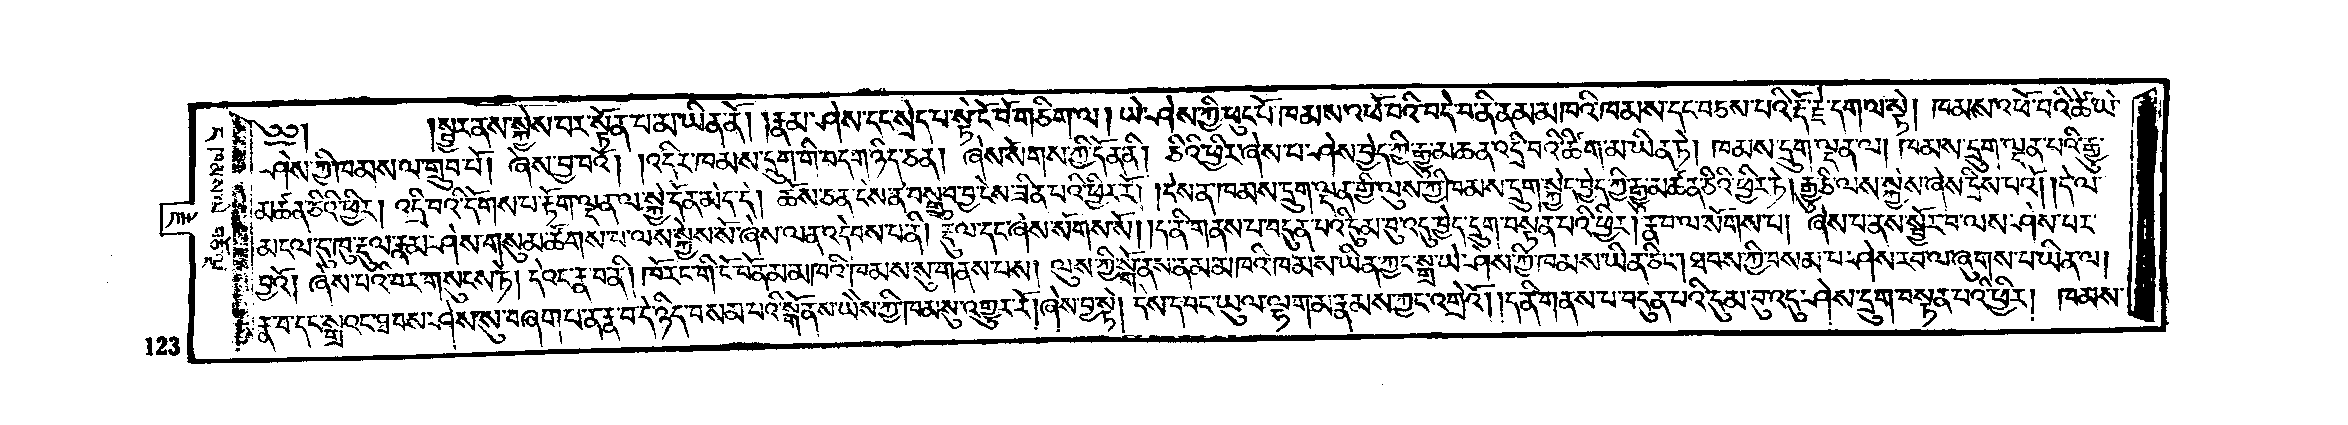༄༅། །སྦྱར་ནས་སྐྱེས་པར་སྟོན་པ་མ་ཡིན་ནོ། །རྣམ་ཤེས་དང་སྲེད་པ་སྟེ་ངོ་བོ་གཅིག་ལ། ཡེ་ཤེས་ཀྱི་ཕུང་པོ་ཁམས་འཕོ་བའི་བདེ་བ་ནི་ནམ་མཁའི་ཁམས་དང་བཅས་པའི་རྡོ་རྗེ་དག་ལ་སྟེ། ཁམས་འཕོ་བའི་ཚེ་ཡེ་
ཤེས་ཀྱི་ཁམས་ལ་གྲུབ་པོ། ཞེས་བྱ་བའོ། །འདིར་ཁམས་དྲུག་གི་བདག་ཉིད་ཅན། ཞེས་སོགས་ཀྱི་དོན་ནི། ཅིའི་ཕྱིར་ཞེས་པ་ཤེས་བྱེད་ཀྱི་རྒྱུ་མཚན་འདྲི་བའི་ཚིག་མ་ཡིན་ཏེ། ཁམས་དྲུག་ལྡན་ལ། ཁམས་དྲུག་ལྡན་པའི་རྒྱུ་
མཚན་ཅིའི་ཕྱིར། འདྲི་བའི་དོགས་པ་རྟོག་ལྡན་ལ་སྐྱེ་དོན་མེད་དེ། ཆོས་ཅན་ངེས་ན་བསྒྲུབ་བྱ་ངེས་ཟིན་པའི་ཕྱིར་རོ། །དེས་ན་ཁམས་དྲུག་ལྡན་གྱི་ལུས་ཀྱི་ཁམས་དྲུག་སྐྱེད་བྱེད་ཀྱི་རྒྱུ་མཚན་ཅིའི་ཕྱིར་ཏེ། རྒྱུ་ཅི་ལས་སྐྱེས་ཞེས་དྲིས་པའོ། །དེ་ལ་
མངལ་དུ་ཁུ་རྡུལ་རྣམ་ཤེས་གསུམ་ཚོགས་པ་ལས་སྐྱེས་སོ་ཞེས་ལན་འདེབས་པ་ནི། རྡུལ་དང་ཞེས་སོགས་སོ། །ད་ནི་གནས་པ་བདུན་པའི་དུམ་བུ་འདུ་བྱེད་དྲུག་བསྟན་པའི་ཕྱིར། རྣ་བ་ལ་སོགས་པ། ཞེས་པ་ནས་སྦྱོར་བ་ལས་ཤེས་པར་
བྱའོ། ཞེས་པའི་བར་གསུངས་ཏེ། དེའང་རྣ་བ་ནི། ཁོ་རང་གི་ངོ་བོ་ནམ་མཁའི་ཁམས་སུ་གནས་པས། ལུས་ཀྱི་སྒོ་ནས་ནམ་མཁའི་ཁམས་ཡིན་ཀྱང་སྒྲ་ཡེ་ཤེས་ཀྱི་ཁམས་ཡིན་ཅིང་། ཐབས་ཀྱི་བསམ་པ་ཤེས་རབ་ལ་ཞུགས་པ་ཡིན་ལ།
རྣ་བ་དང་སྒྲའང་ཐབས་ཤེས་སུ་བཞག་པ་ན་རྣ་བ་དེ་ཉིད་བསམ་པའི་སྒོ་ནས་ཡིས་ཀྱི་ཁམས་སུ་འགྱུར་རོ། ཞེས་བྱ་སྟེ། དེས་དབང་ཡུལ་ལྷག་མ་རྣམས་ཀྱང་འགྲེའོ། །ད་ནི་གནས་པ་བདུན་པའི་དུམ་བུ་འདུ་ཤེས་དྲུག་བསྟན་པའི་ཕྱིར། ཁམས་